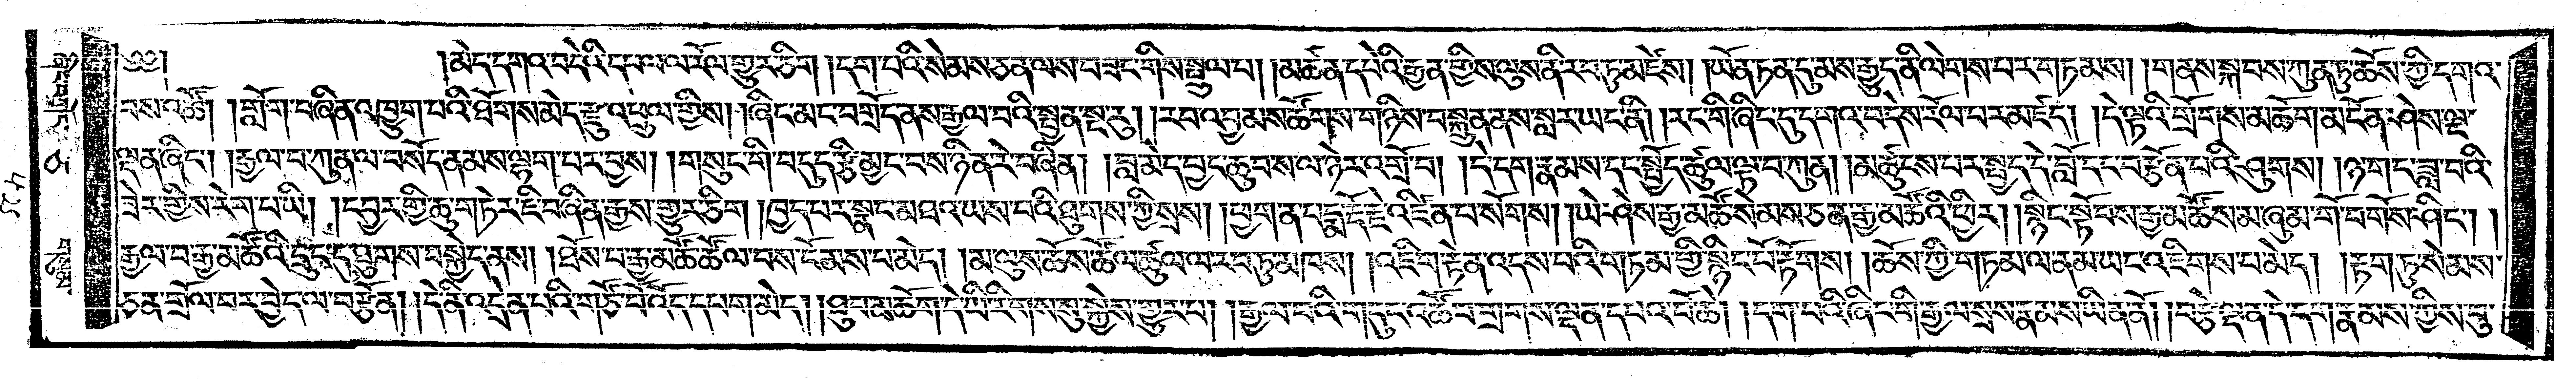༄༅། །མེད་དགའ་བདེའི་དཔལ་ལ་རོལ་གྱུར་ཅིག། །དག་པའི་སེམས་ཅན་ལས་བཟང་གིས་སྤྲུལ་པ། །མཚན་དཔེའི་རྒྱན་གྱིས་ལུས་ནི་རབ་ཏུ་མཛེས། །ཡོན་ཏན་དུ་མས་རྒྱུད་ནི་ལེགས་པར་གཏམས། །གནས་སྐབས་ཀུན་ཏུ་ཆོས་ཀྱི་དགའ་
བས་འཚོ། །གློག་བཞིན་འཁྱུག་པའི་ཐོགས་མེད་རྫུ་འཕྲུལ་གྱིས། །ཞིང་མང་བགྲོད་ནས་རྒྱལ་བའི་སྤྱན་སྔ་རུ། །རབ་འབྱམས་ཚོགས་གཉིས་བསྐྲུན་ནས་སླར་ཡང་ནི། །རང་གི་ཞིང་དུ་དགའ་བདེས་རོལ་པར་མཛད། །དེ་ལྟའི་གྲོགས་མཆོག་མངོན་ཤེས་ལྔ་
ལྡན་ཞིང་། །རྒྱལ་བ་ཀུན་ལ་བསོད་ནམས་ལྷག་པར་བྱས། །གསུང་གི་བདུད་རྩི་མྱང་བས་ཉིན་རེ་བཞིན། །བླ་མེད་བྱང་ཆུབ་ས་ལ་ཉེར་འགྲོ་བ། །དེ་དག་རྣམས་དང་སྤྱོད་ཚུལ་ལྟ་བ་ཀུན། །མཚུངས་པར་སྤྱད་དེ་བློ་དར་བརྩོན་པའི་ཤུགས། །ཉ་གང་ཟླ་བའི་
ཟེར་གྱིས་རེག་པ་ཡི། །དབྱར་གྱི་ཆུ་གཏེར་ཇི་བཞིན་རྒྱས་གྱུར་ཅིག །ཁྱད་པར་སྣང་མཐའ་ཡས་པའི་ཐུགས་ཀྱི་སྲས། །ཕྱག་ན་པདམ་རྡོ་རྗེའི་འཛིན་པ་སོགས། །ཡེ་ཤེས་རྒྱ་མཚོ་སེམས་ཅན་རྒྱ་མཚོའི་ཕྱིར། །སྙིང་སྟོབས་རྒྱ་མཚོས་མ་ཞུམ་གོ་བགོས་ཤིང་། །
རྒྱལ་བརྒྱ་མཚོའི་དྲུང་དུ་ཐུགས་བསྐྱེད་ནས། །ཐོས་བརྒྱ་མཚོ་ཚོལ་བས་ངོམས་པ་མེད། །མ་ལུས་ཆོས་ཚོལ་ཚུལ་ལ་རབ་ཏུ་མཁས། །འཇིག་རྟེན་འདས་པའི་གཏམ་གྱི་སྙིང་པོ་རྟོགས། །ཆོས་ཀྱི་གཏམ་ལ་ནམ་ཡང་འཇིགས་པ་མེད། །རྟག་ཏུ་སེམས་
ཅན་གྲོལ་བར་བྱེད་ལ་བརྩོན། །དེ་ནི་འདྲེན་པའི་གཙོ་བོ་འོད་དཔག་མེད། །ཐུབ་མཆོག་དེ་ཡི་རིགས་སུ་སྐྱེས་གྱུར་པ། །རྒྱལ་བའི་གདུང་འཚོ་བ་གྲགས་ལྡན་དཔའ་བོ་ཆེ། །དག་པའི་ཞིང་གི་རྒྱལ་སྲས་རྣམས་ཡིན་ནོ། །བརྩེ་ལྡན་དེ་དག་རྣམས་ཀྱིས་བུ་